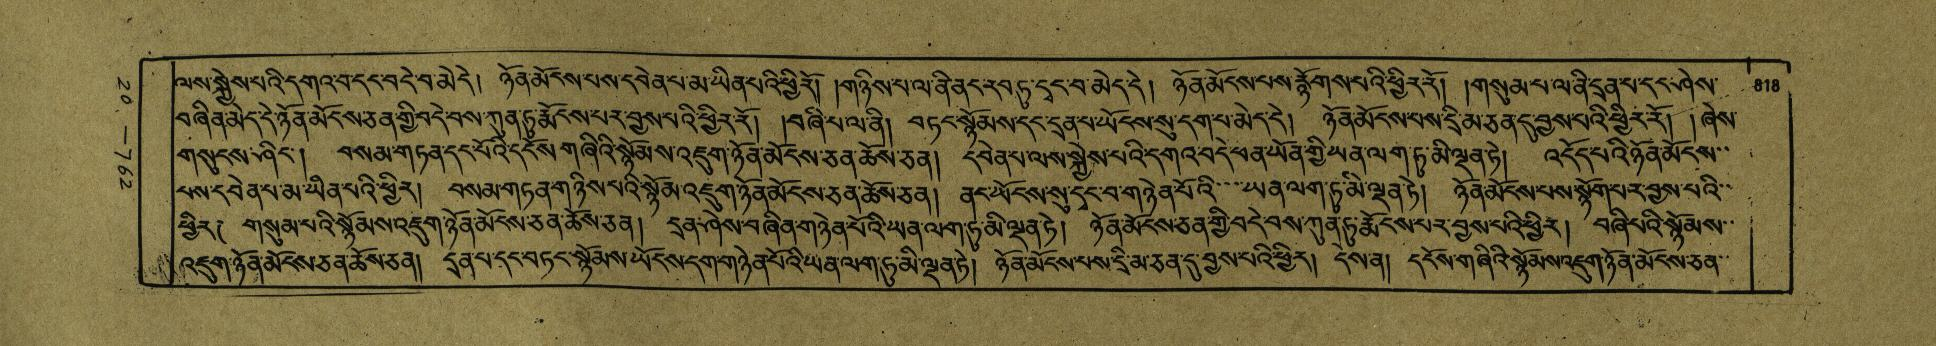ལས་སྐྱེས་པའི་དགའ་བ་དང་བདེ་བ་མེ་དེ། ཉོན་མོངས་པས་དབེན་པ་མ་ཡིན་པའི་ཕྱིརོ། །གཉིས་པ་ལ་ནི་ནང་རབ་ཏུ་དྭང་བ་མེད་དེ། ཉོན་མོངས་པས་རྙོགས་པའི་ཕྱིར་རོ། །གསུམ་པ་ལ་ནི་དྲན་པ་དང་ཤེས་
བཞིན་མེད་དེ་ཉོན་མོངས་ཅན་གྱི་བདེ་བས་ཀུན་ཏུ་རྨོངས་པར་བྱས་པའི་ཕྱིར་རོ། །བཞི་པ་ལ་ནི། བཏང་སྙོམས་དང་དྲན་པ་ཡོངས་སུ་དག་པ་མེད་དེ། ཉོན་མོངས་པས་དྲི་མ་ཅན་དུ་བྱས་པའི་ཕྱིར་རོ། །ཞེས་
གསུངས་ཤིང་། བསམ་གཏན་དང་པོའི་དངོས་གཞིའི་སྙོམས་འཇུག་ཉོན་མོངས་ཅན་ཆོས་ཅན། དབེན་པ་ལས་སྐྱེས་པའི་དགའ་བདེ་ཕན་ཡོན་གྱི་ཡན་ལག་ཏུ་མི་ལྡན་ཏེ། འདོད་པའི་ཉོན་མོངས་
པས་དབེན་པ་མ་ཡིན་པའི་ཕྱིར། བསམ་གཏན་གཉིས་པའི་སྙོམ་འཇུག་ཉོན་མོངས་ཅན་ཆོས་ཅན། ནང་ཡོངས་སུ་དྭང་བ་གཉེན་པོའི་ཡན་ལག་ཏུ་མི་ལྡན་ཏེ། ཉོན་མོངས་པས་སྙོག་པར་བྱས་པའི་
ཕྱིར༑ གསུམ་པའི་སྙོམས་འཇུག་ཉོན་མོངས་ཅན་ཆོས་ཅན། དྲན་ཤེས་བཞིན་གཉེན་པོའི་ཡན་ལག་ཏུ་མི་ལྡན་ཏེ། ཉོན་མོངས་ཅན་གྱི་བདེ་བས་ཀུན་ཏུ་རྨོངས་པར་བྱས་པའི་ཕྱིར། བཞི་པའི་སྙོམས་
འཇུག་ཉོན་མོངས་ཅན་ཆོས་ཅན། དྲན་པ་དང་བཏང་སྙོམས་ཡོངས་དག་གཉེན་པོའི་ཡན་ལག་ཏུ་མི་ལྡན་ཏེ། ཉོན་མོངས་པས་དྲི་མ་ཅན་དུ་བྱས་པའི་ཕྱིར། དེས་ན། དངོས་གཞིའི་སྙོམས་འཇུག་ཉོན་མོངས་ཅན་